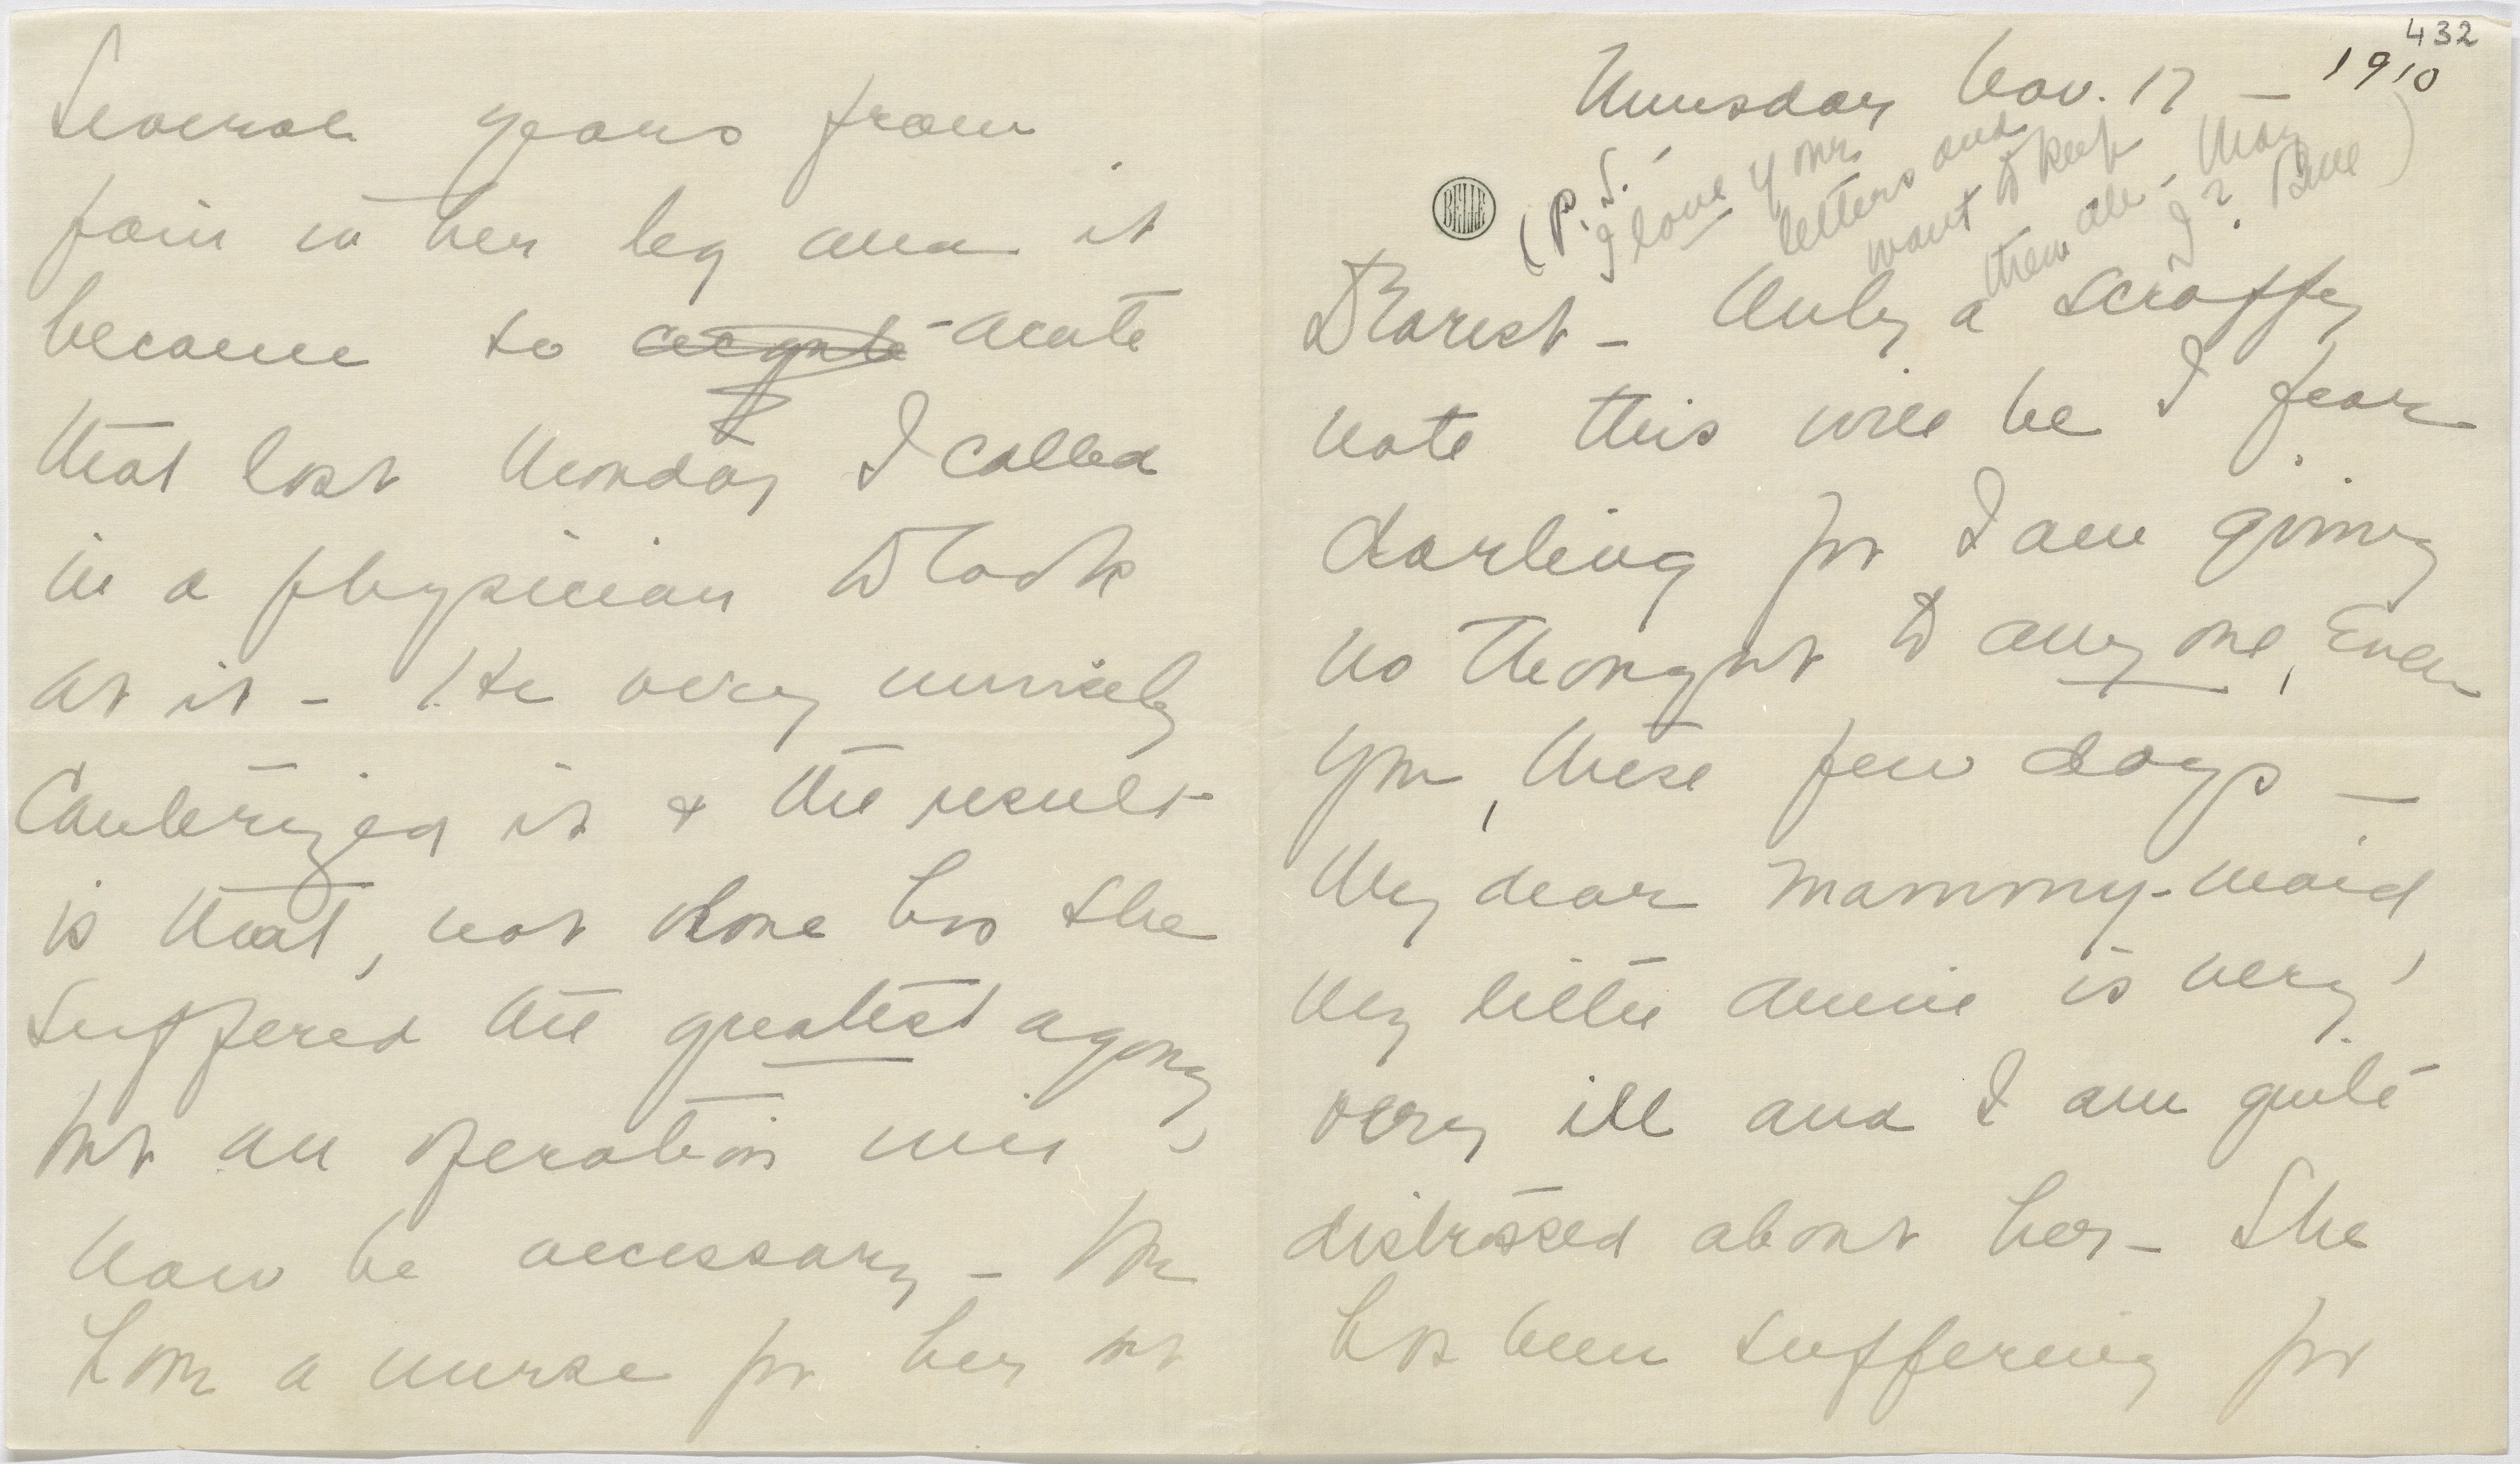Thursday Nov. 17 –
[written diagonally: (P.S. – I love your letters and want to keep them all – May I? Belle)]
Dearest – Only a scrappy note this will be I fear darling for I am giving no thought to any one, even you, these few days – My dear Mammy-maid, my little Annie is very very ill and I am quite distressed about her – She has been suffering for
Several years from pain in her leg and it became so acqute acute that last Monday I called in a physician to look at it – he very unwisely cauterized it & the result is that, not alone has she suffered the greatest agony, but an operation will now be necessary – We have a nurse for her but